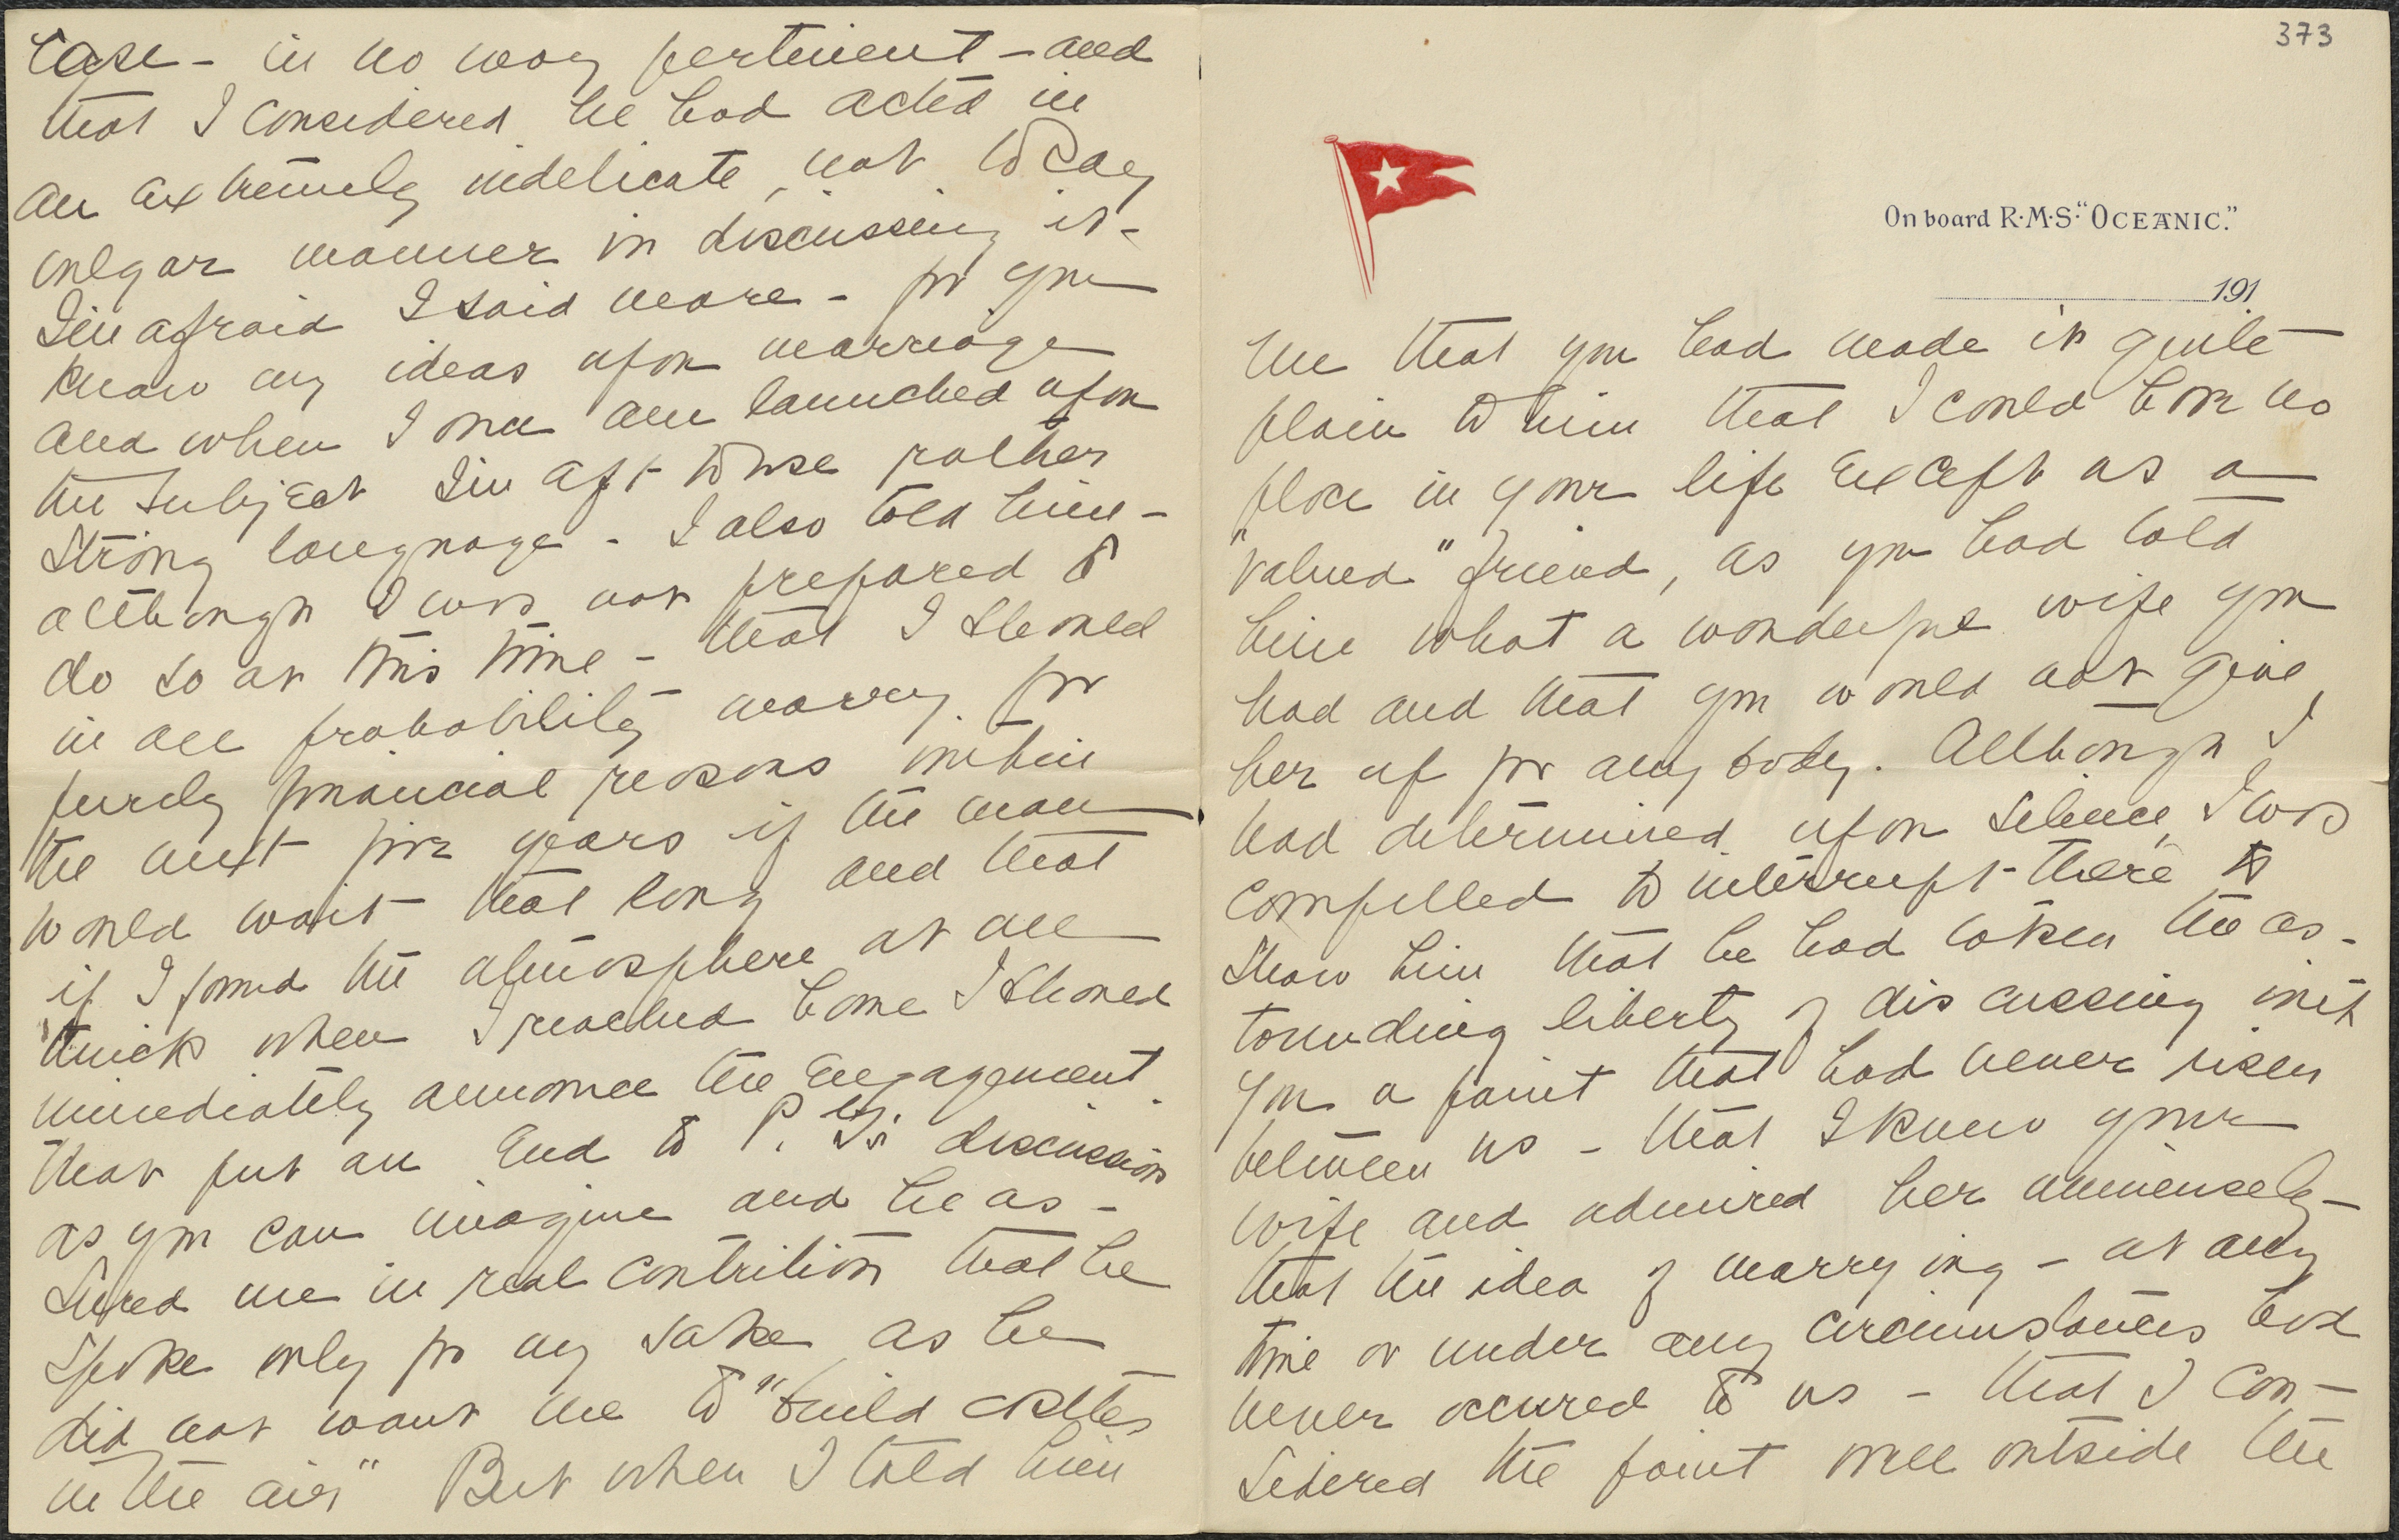me that you had made it quite plain to him that I could have no place in your life except as a “valued” friend, as you had told him what a wonderful wife you had and that you would not give her up for any body. Although I had determined upon silence, I was compelled to interrupt there to show him that he had taken the astounding liberty of discussing with you a point that had never risen between us – that I knew your wife and admired her immensely – that the idea of marrying – at any time or under any circumstances had never occured [sic] to us – that I considered the point well outside the
case – in no way pertinent – and that I considered he had acted in an extremely indelicate, not to say vulgar manner in discussing it – I’m afraid I said more – for you know my ideas upon marriage and when I once am launched upon the subject I’m apt to use rather strong language – I also told him – although I was not prepared to do so at this time – that I should in all probability marry for purely financial reasons within the next five years if the man would wait that long and that if I found the atmosphere at all thick when I reached home I should immediately announce the engagement. That put all end to P. G’s discussion as you can imagine and he assured me in real contrition that he spoke only for my sake as he did not want me to “build castles in the air” But when I told him